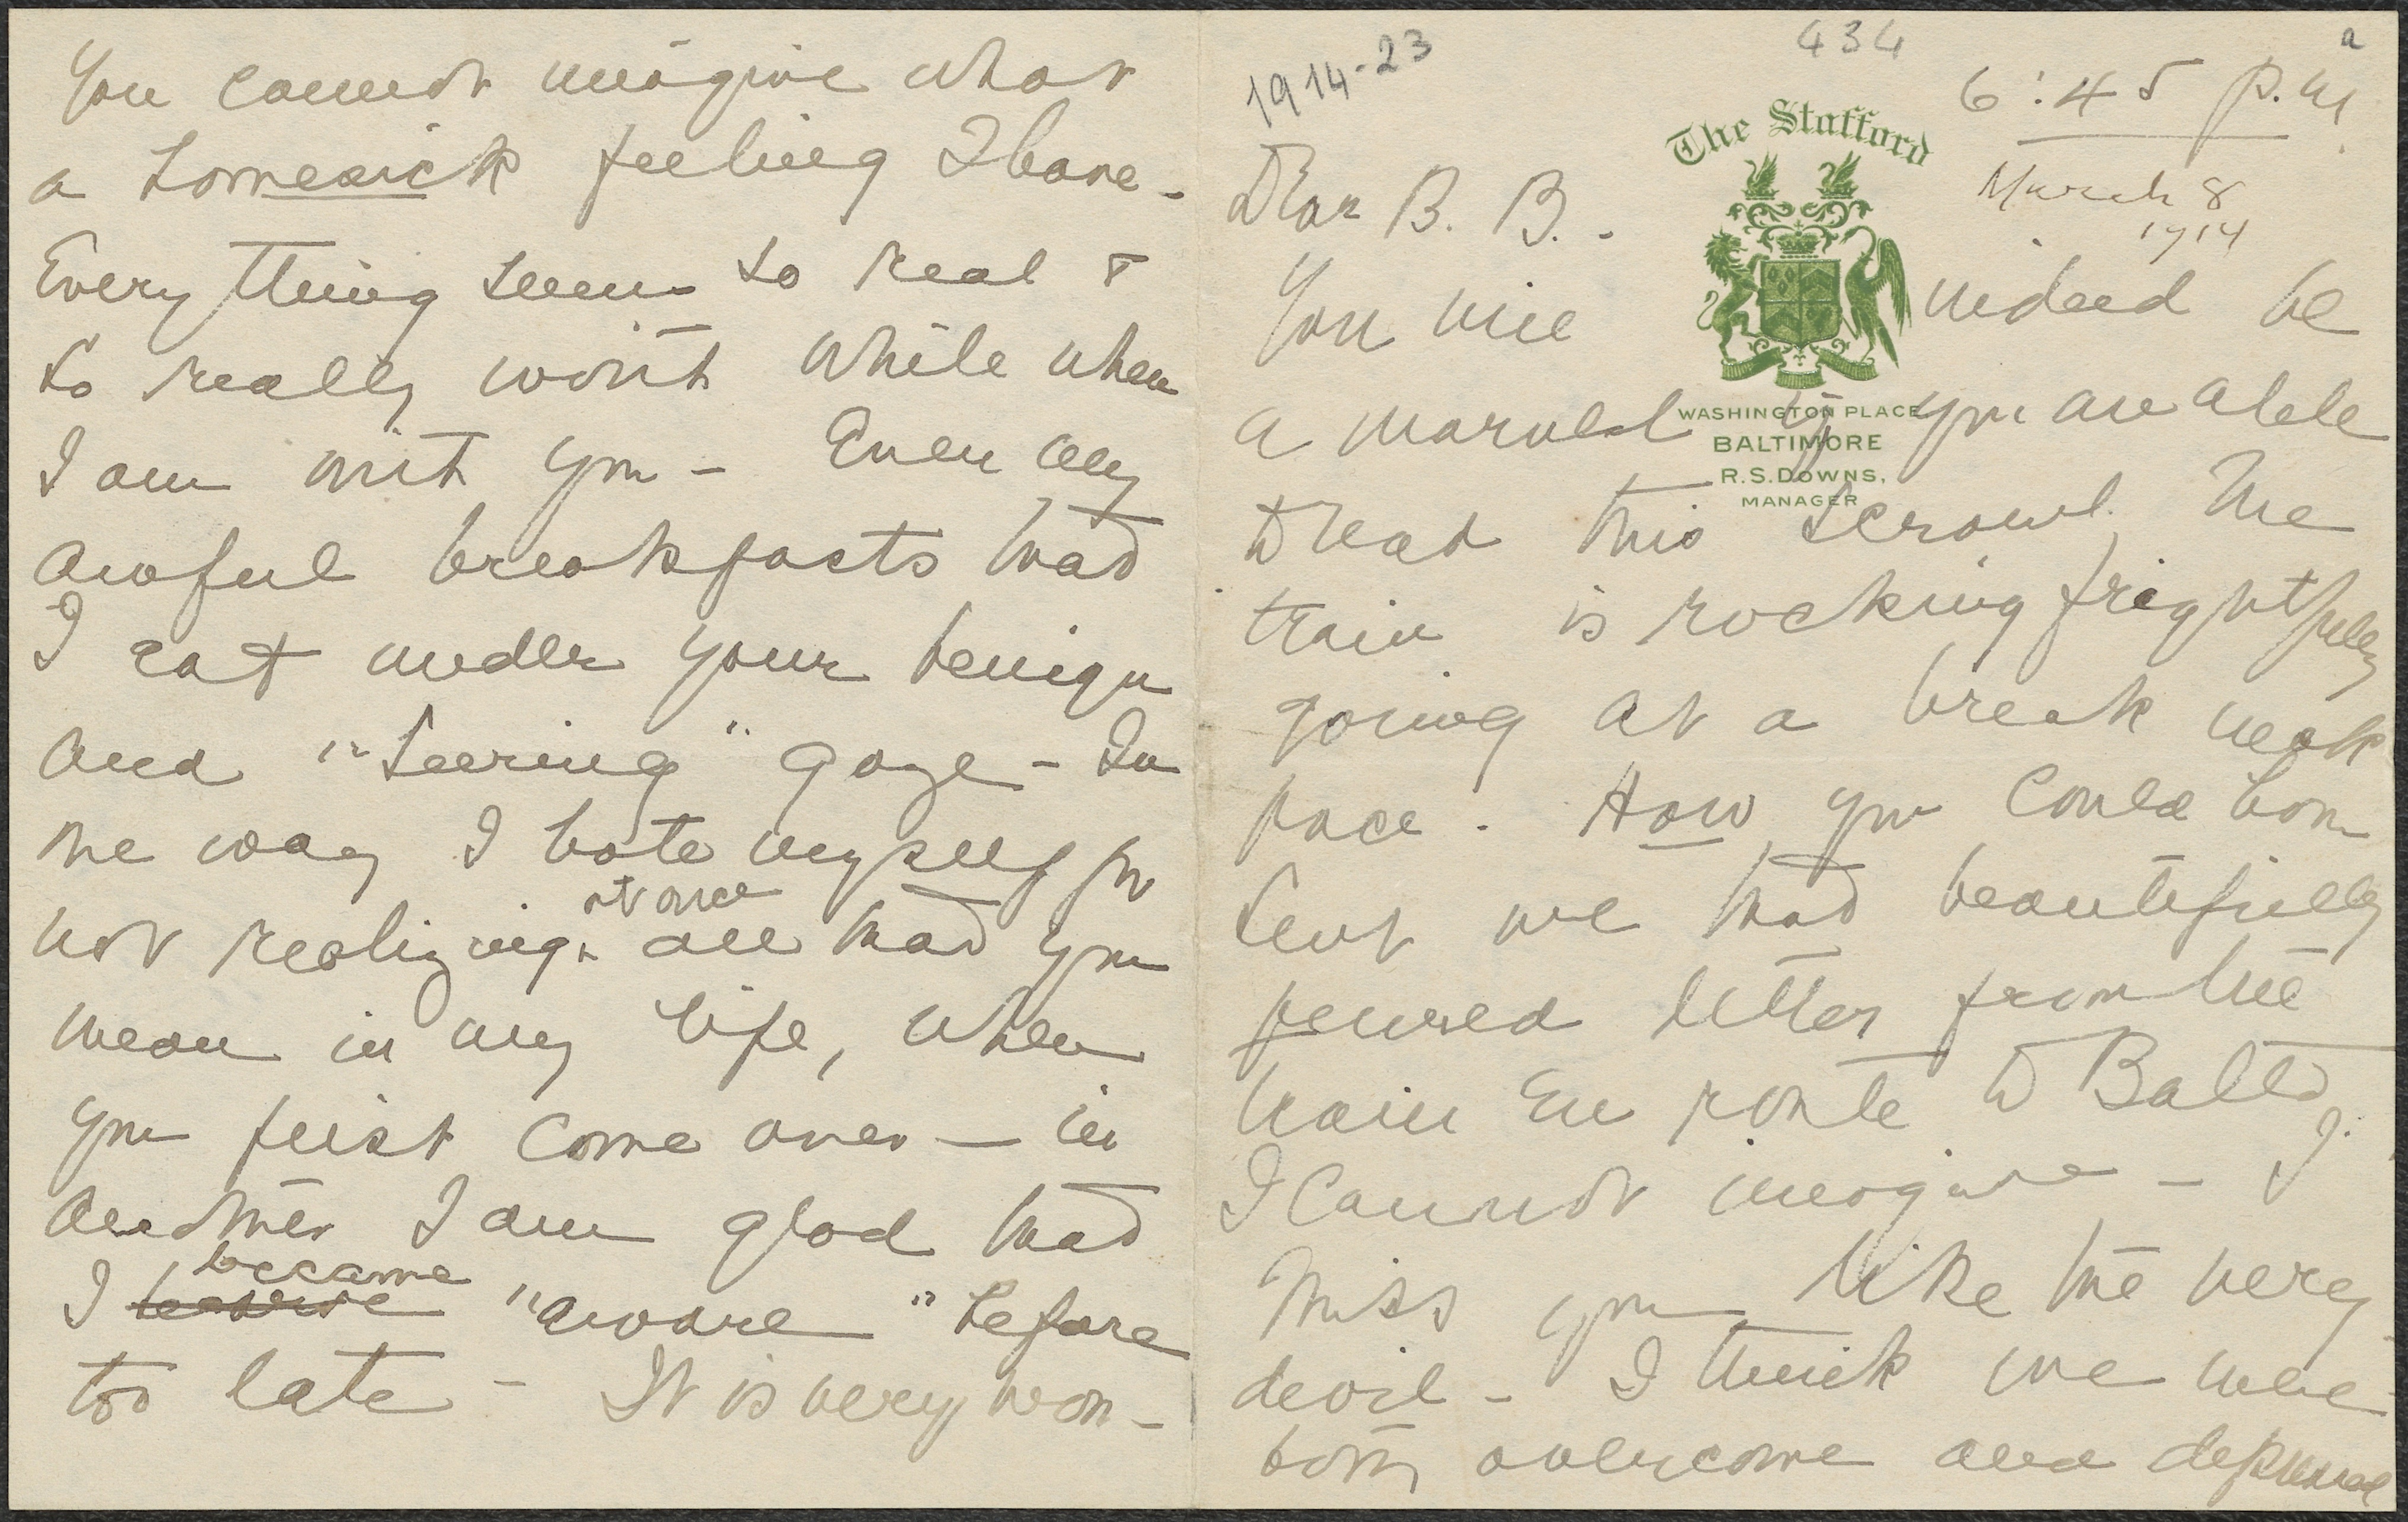You cannot imagine what a homesick feeling I have – Everything seems so real & so really worth while when I am with you – Even my awful breakfasts that I eat under your benign and “leering” gaze – In one way I hate myself for not realizing [^at once^] all that you mean in my life, when you first came over – in another I am glad that I because [^became^] “aware” before too late – It is very won-